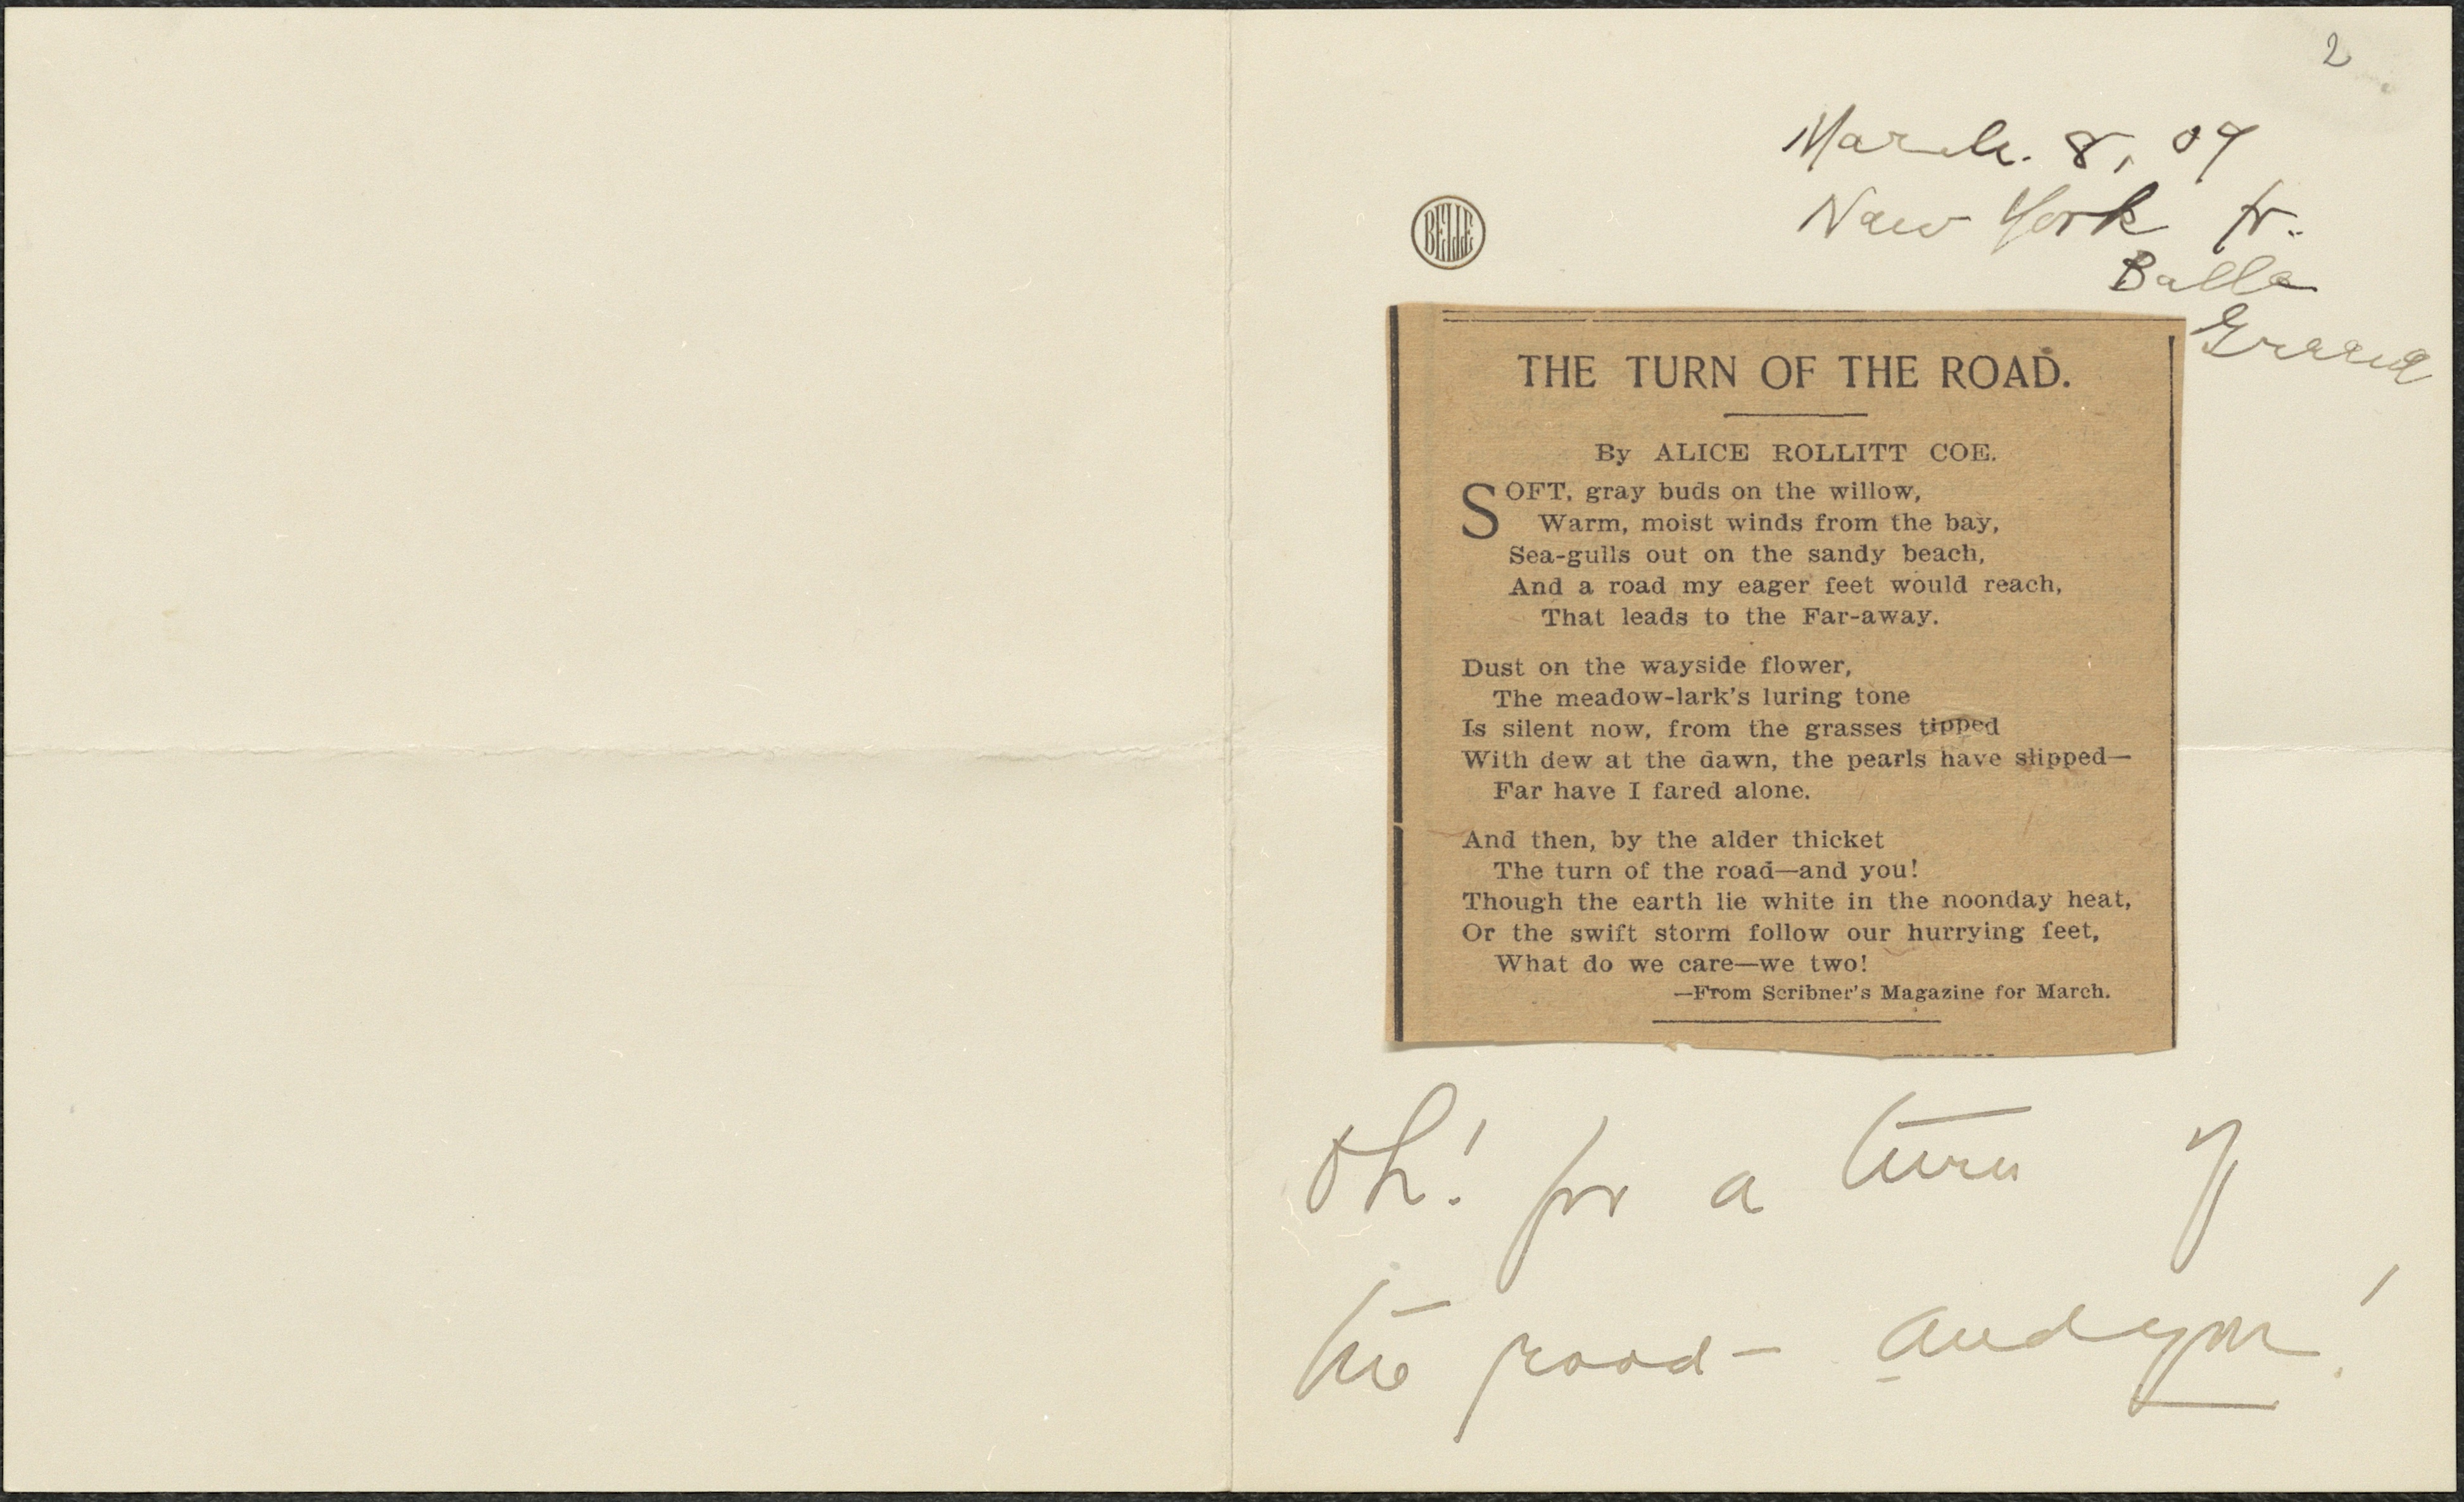[newspaper clipping pasted on sheet:
THE TURN OF THE ROAD
By ALICE ROLLITT COE.
Soft, gray buds on the willow,
Warm, moist winds from the bay,
Sea-gulls out on the sandy beach,
And a road my eager feet would reach,
That leads to the Far-away.
Dust on the wayside flower,
The meadow-lark’s luring tone
Is silent now, from the grasses tipped
With dew at the dawn, the pearls have slipped –
Far have I fared alone.
And then, by the alder thicket
The turn of the road – and you!
Though the earth lie white in the noonday heat,
Or the swift storm follow our hurrying feet,
What do we care – we two!
– From Scribner’s Magazine for March.]
Oh! For a turn of the road – and you!